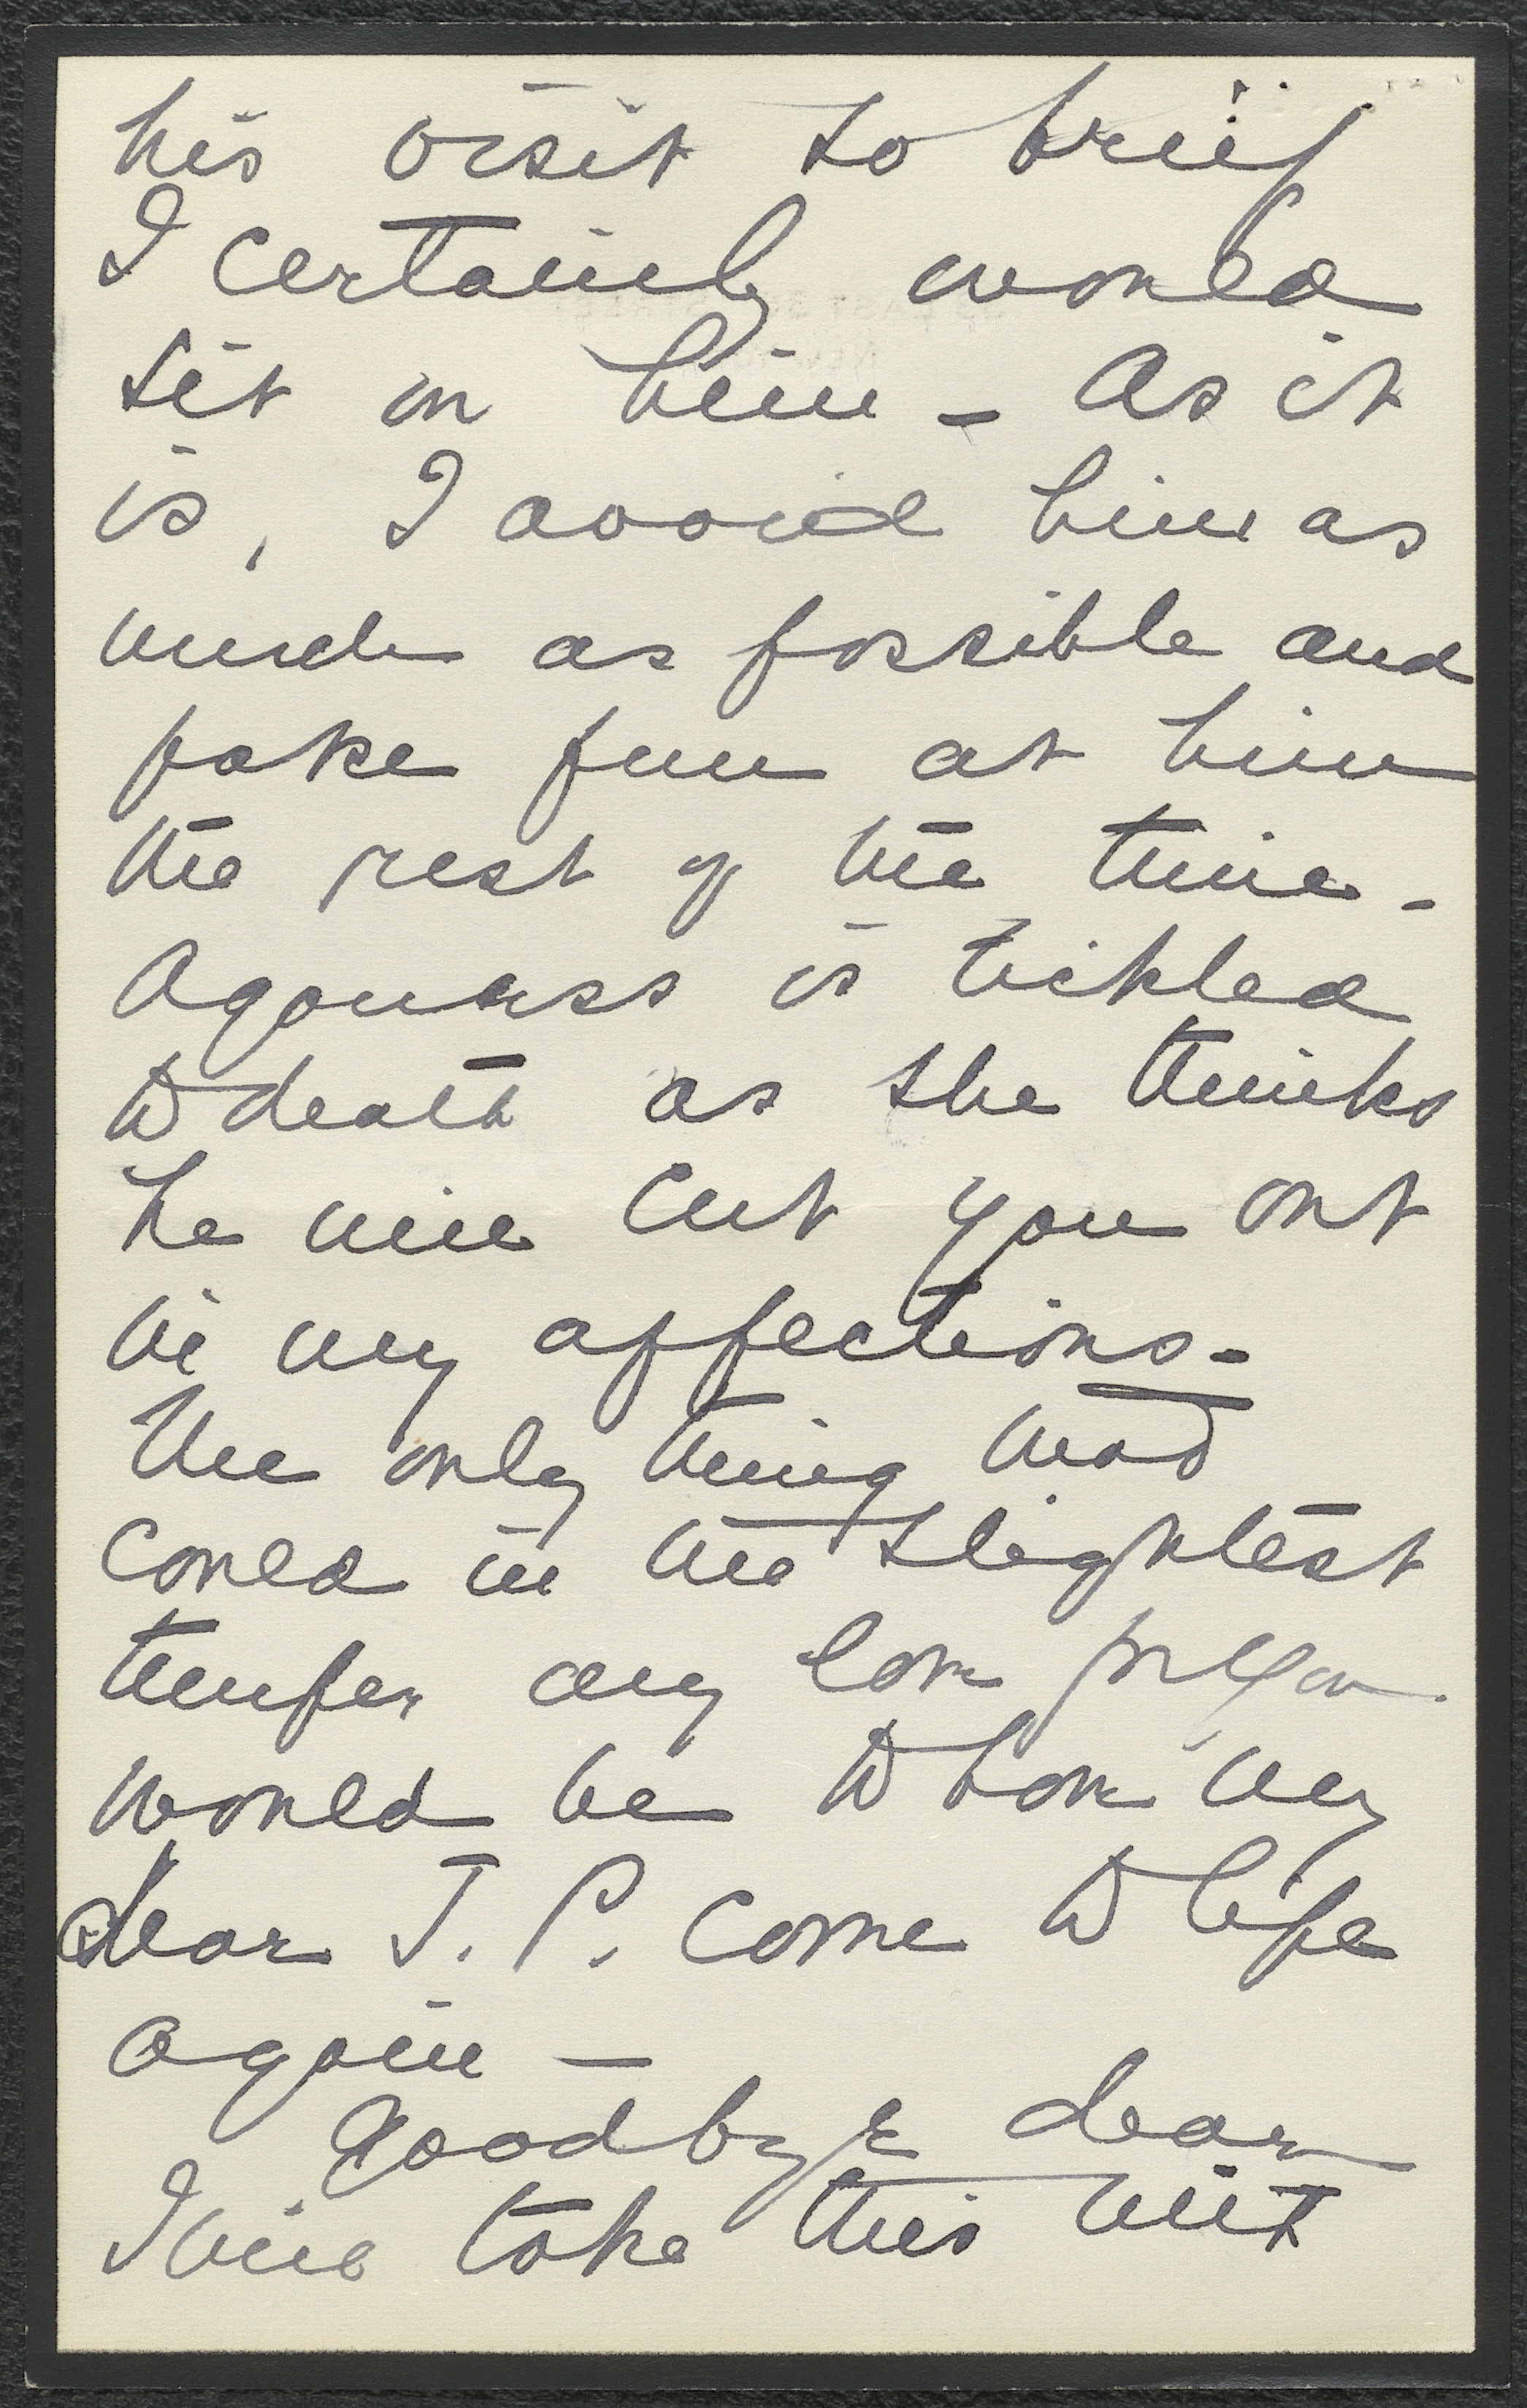his visit so brief I certainly would sit on him – as it is, I avoid him as much as possible and poke fun at him the rest of the time – Agoness is tickled to death as she thinks he will cut you out in my affections – The only thing that could in the slightest temper my love for you would be to have my dear J.P. come to life again –
goodbye dear – I will take this with